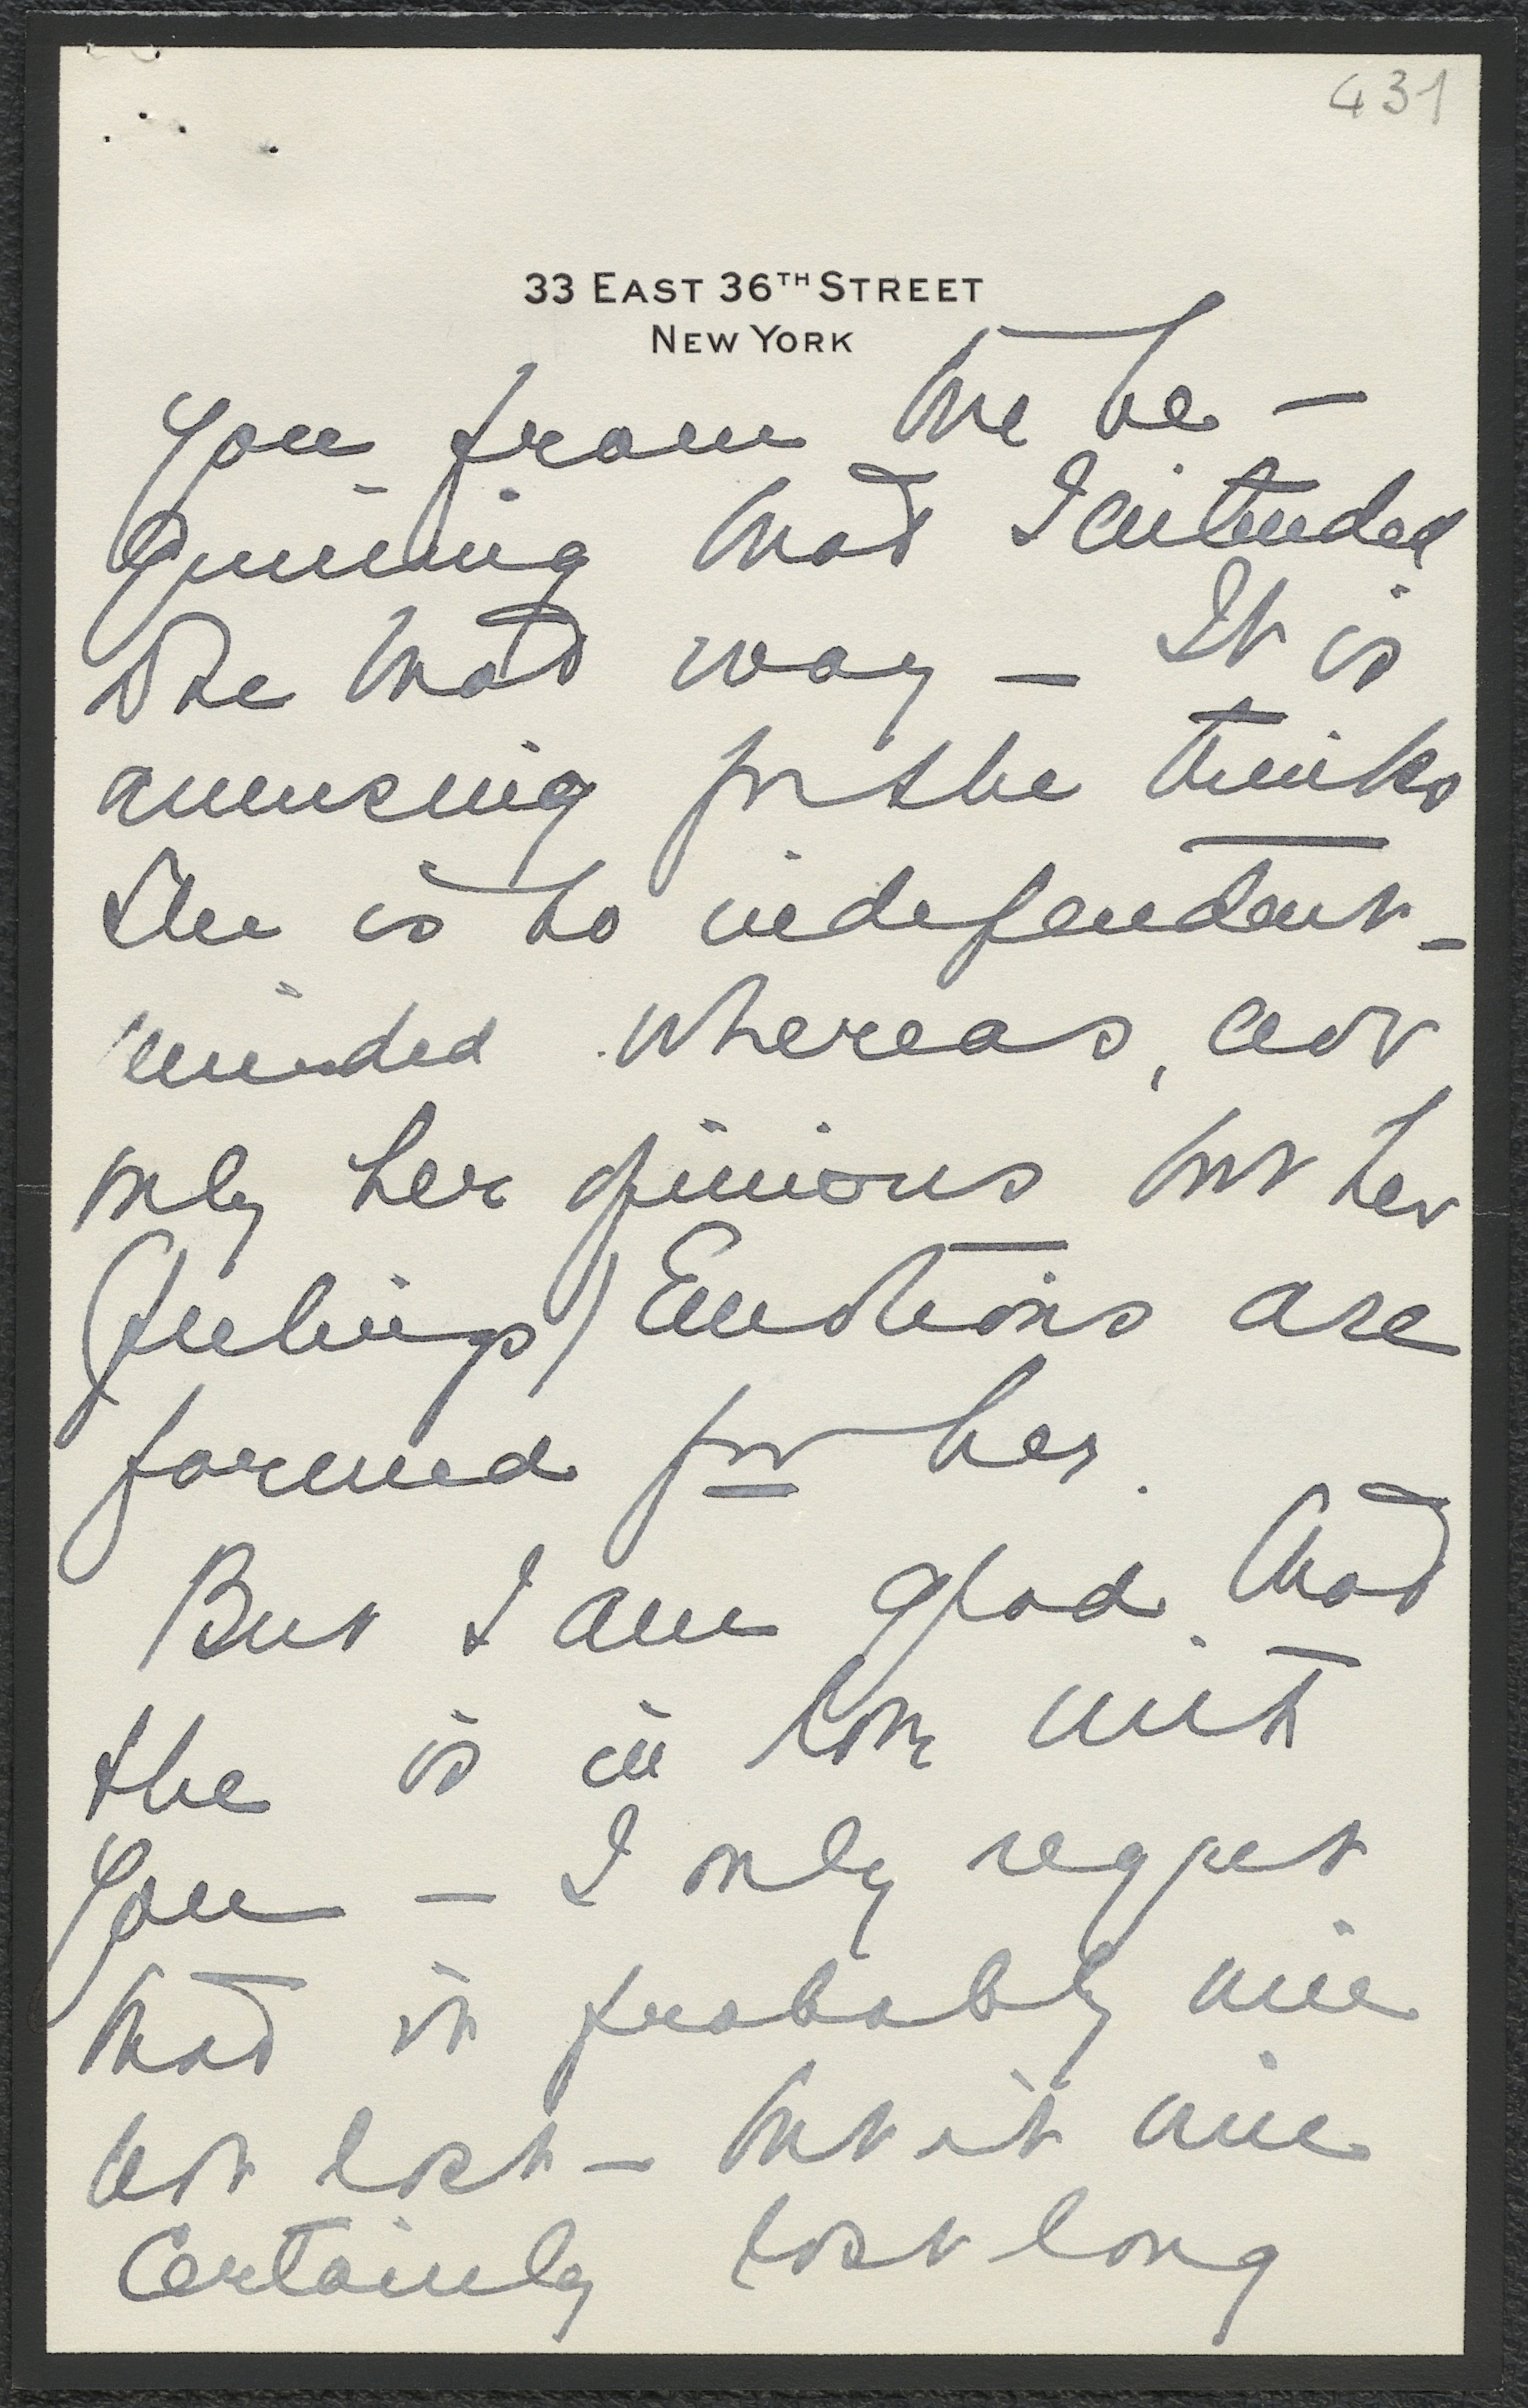you from the beginning that I intended to be that way – It is amusing for she thinks she is so independent-minded whereas, not only her opinions but her (feelings) emotions are formed for her.
But I am glad that she is in love with you – I only regret that it probably will not last – but it will certainly last long